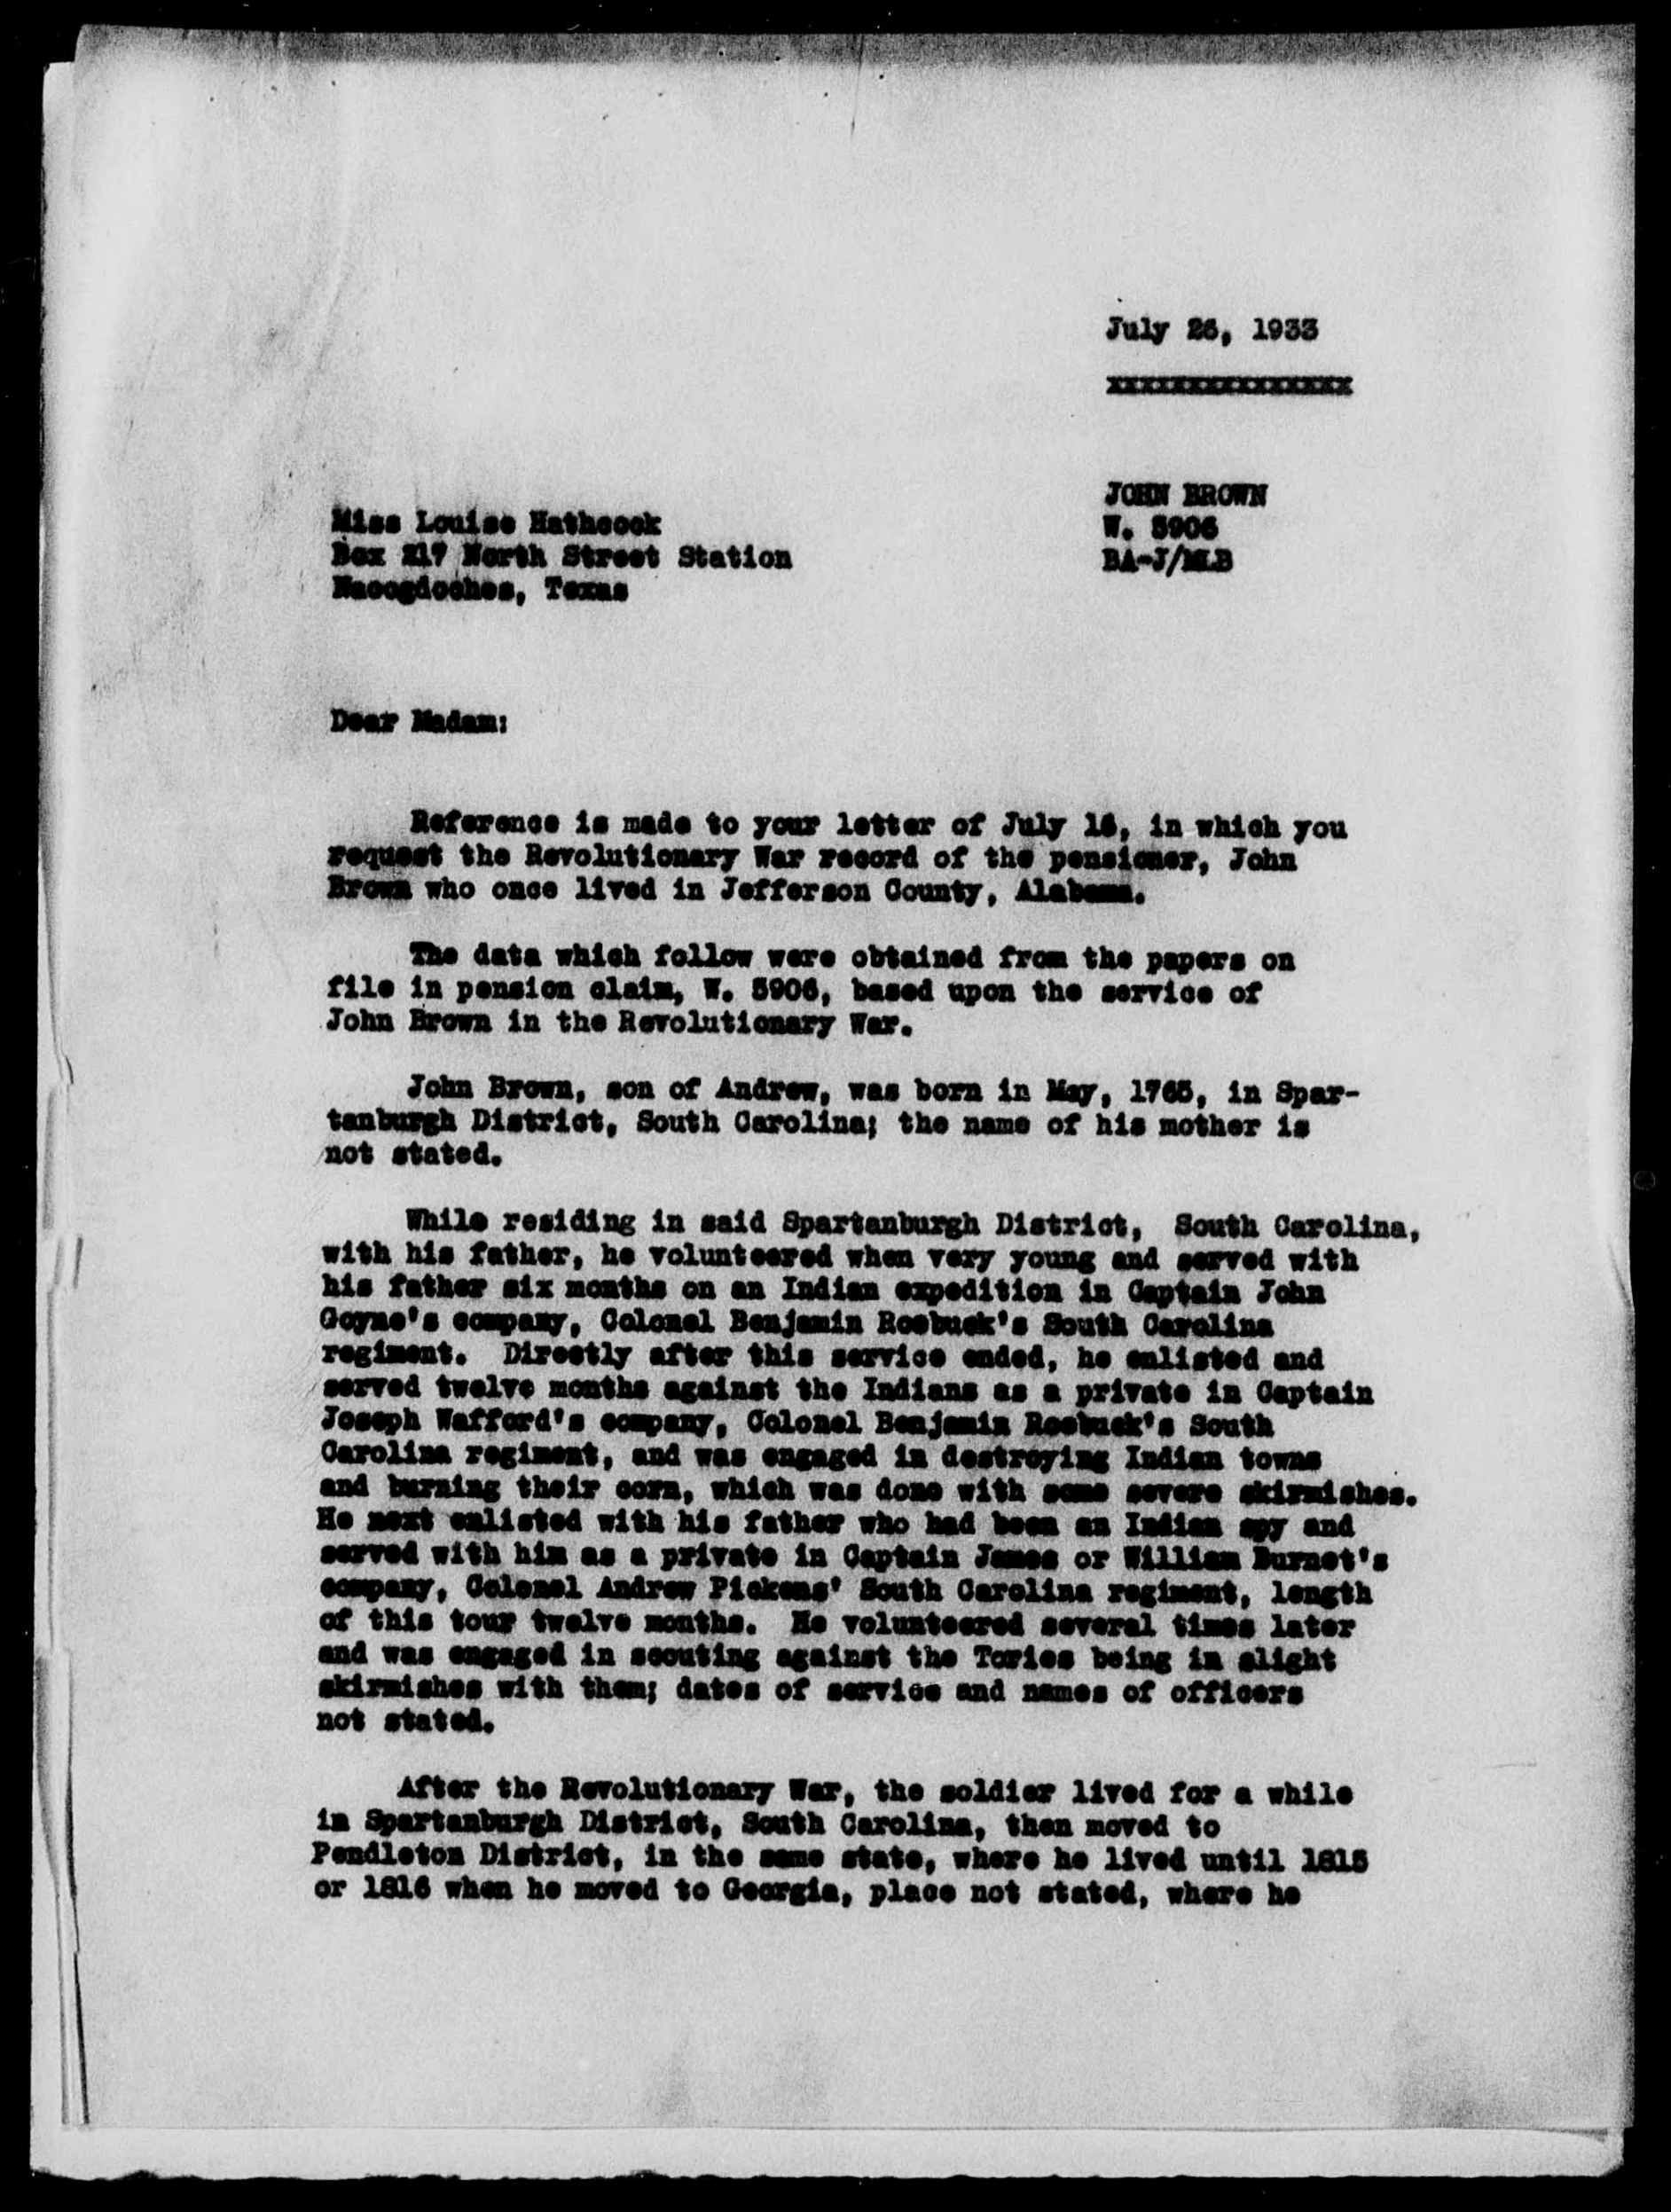July 26, 1933
xxxxxxxxxxxx
JOHN BROWN
W. 5906
BA-J/MLB

Miss Louise Hathcock
Box 119 North Street Station 
Nacogdoches, Texas

Dear Madam：

Reference is made to your letter of July 16, in which you
requested the Revolutionary War record of  pensioner, John Brown who once lived in Jefferson County, Alabama.

The data which follow  were obtained from the papers on
file in pension claims, W. 5906, base upon the service of 
John Brown in the Revolutionary War.

John Brown, son of Andrew, was born in May,1765, in Spartanburgh District, South Carolina, the name of this mother was not stated.

While a residing in said Spartanburgh District,  South Carolina, with his father, he volunteered when very young, and served with his father  six months on an Indian expedition in Captain John Coyne's company, Colonel Benjamin Roebuck's South 
Carolina  regiment, Directly after this service ended, he enlisted and served twelve months against the Indians as a private in Captain Joseph Wafford's company Colonel Benjamin Roebuck's South 
Carolina  regiment, and was engaged in destroying Indian towns and burning their corn, which was done with some sever skirmishes.  
He next enlisted with his father who had  been an Indian spy and served with him as a private in Captain James or William Burnet's company,  Colonel Andrew Picken's South Carolina  regiment, length of this tour twelve months.  He volunteered several times later 
and was engaged in scouting against the Tories being in slight skirmishes with them; dates of service and names of officers 
not stated.

After the Revolutionary War, the soldier lived for a while in
Spartanburgh District , South Carolina, then moved to Pendleton District same state, where he lived until 1815 
or 1816 when he moved to Georgia, place not stated, where he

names: John Brown, John Brown, Andrew, Louise Hathcock, John Brown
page: 31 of 85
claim: widow's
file: W. 5,906, John Brown, S.C.